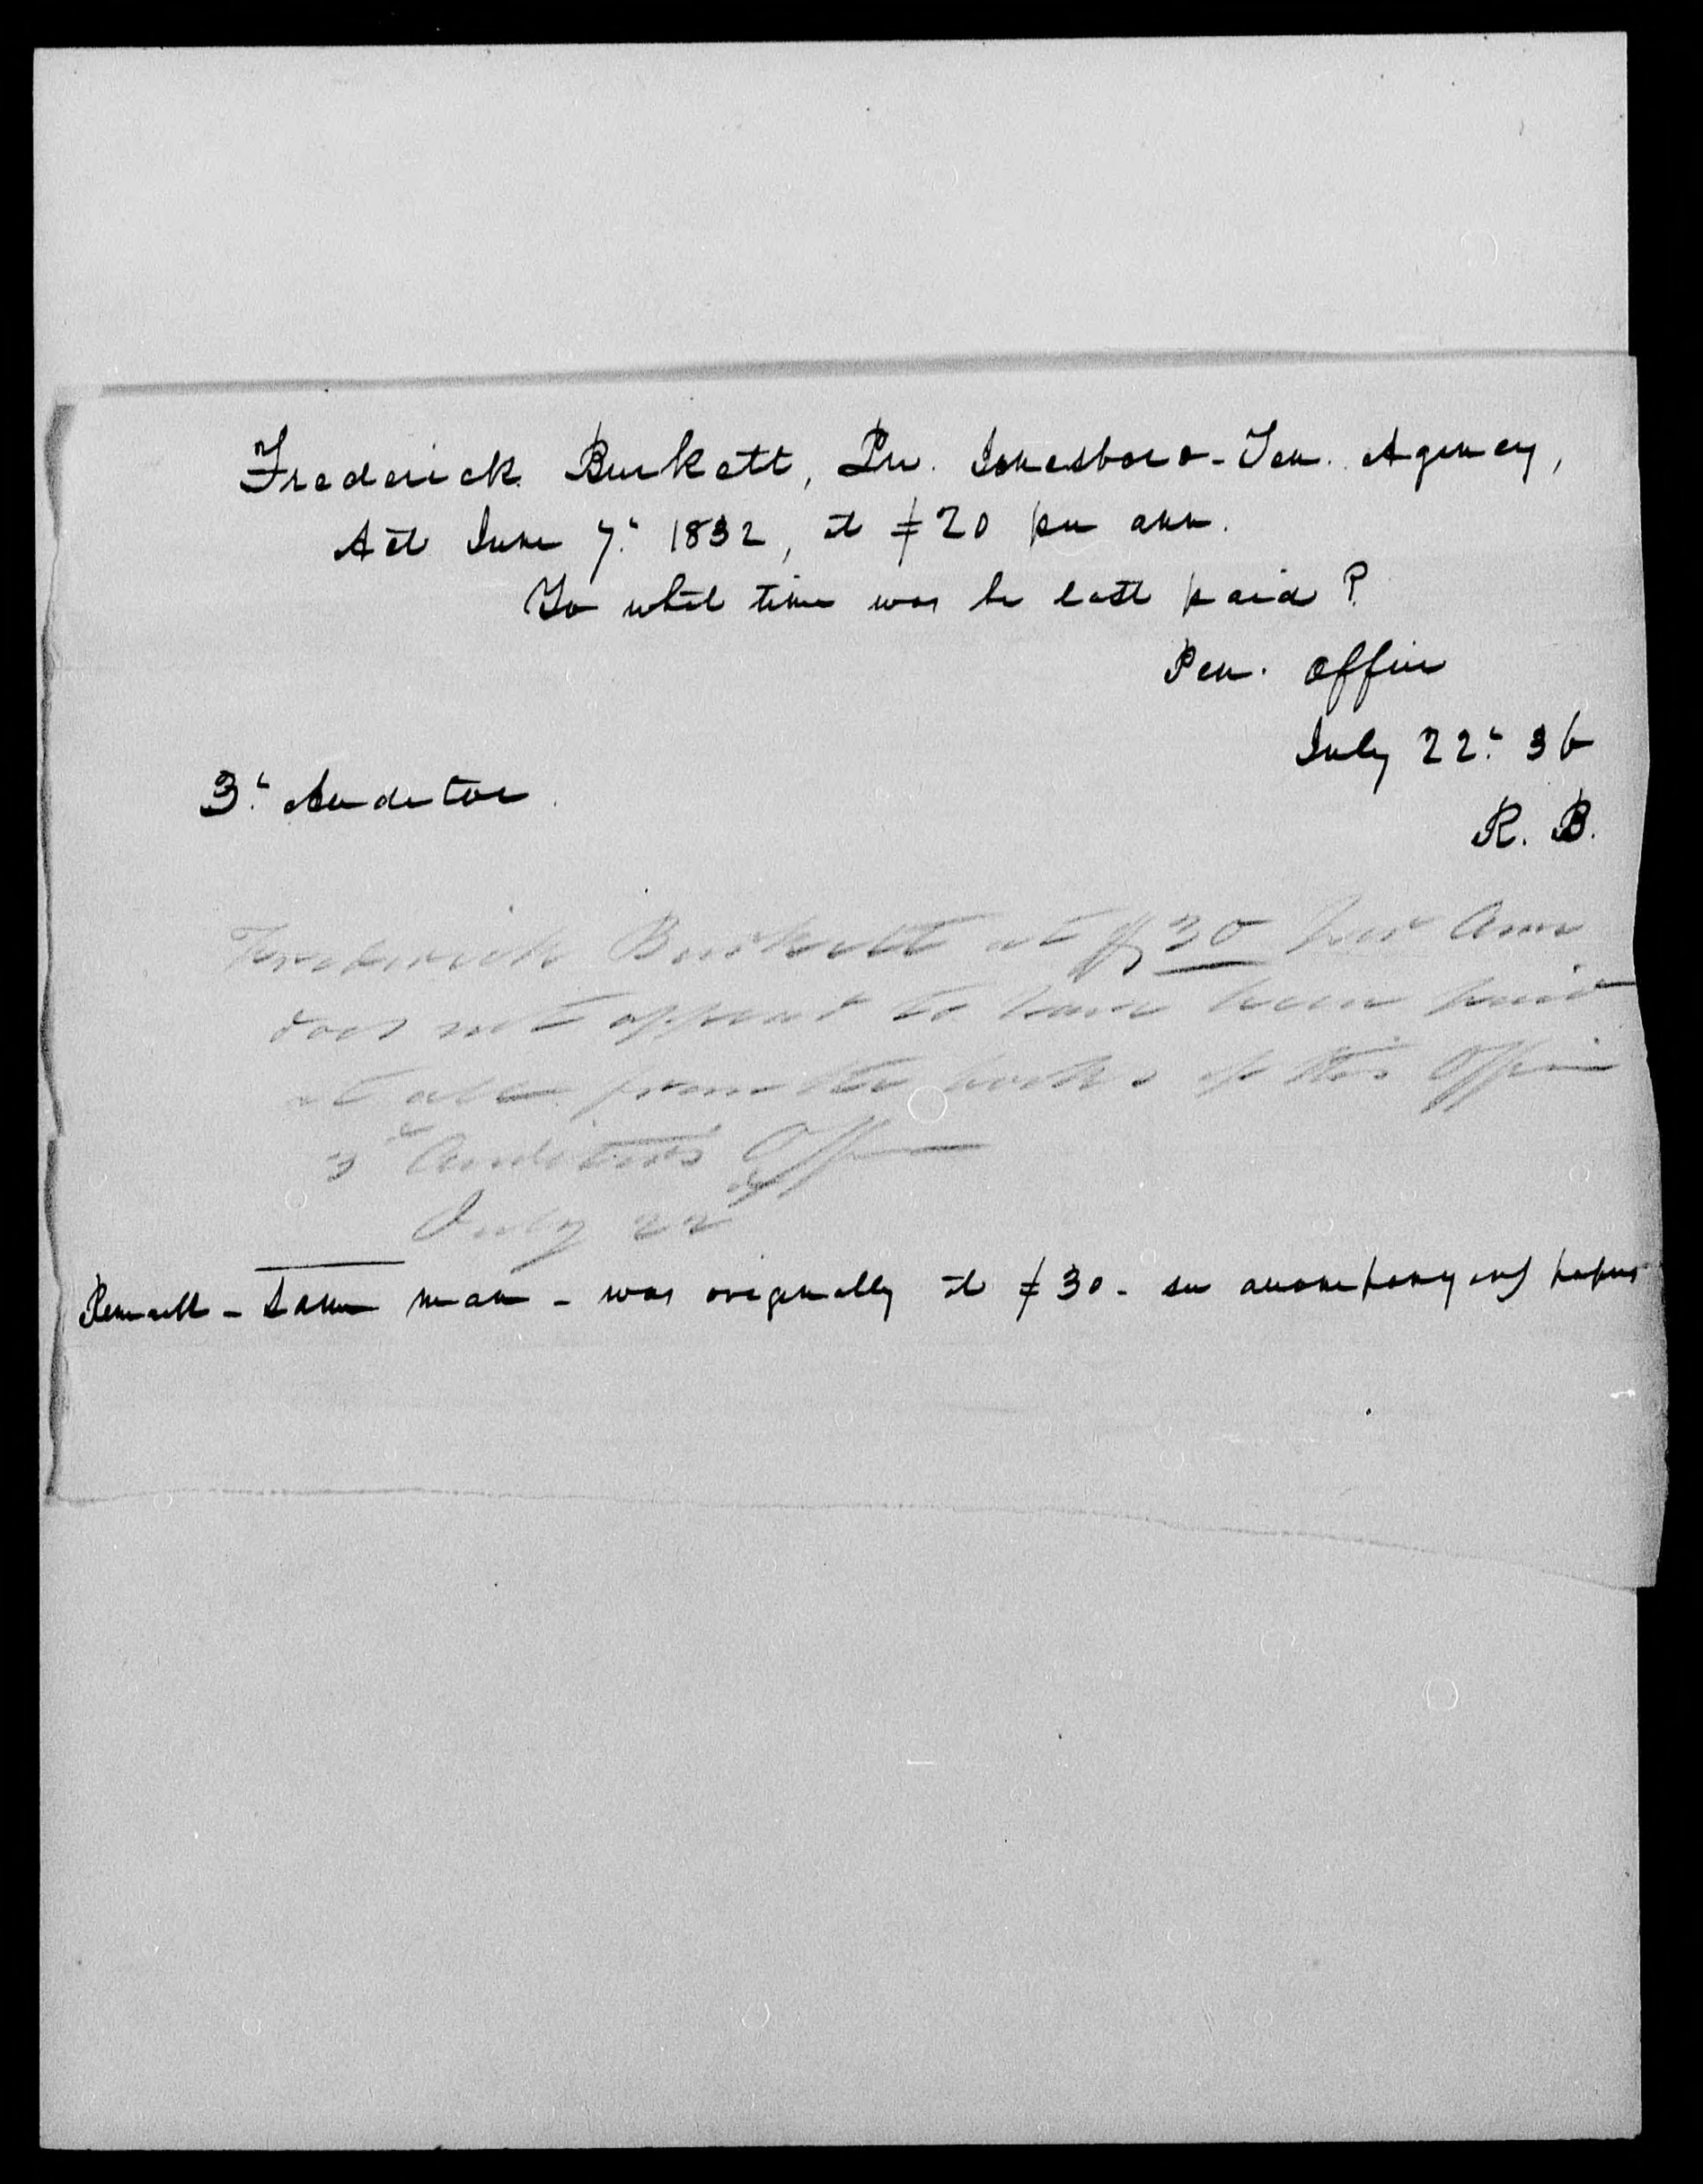Frederick Burkett, Pri. Jonesboro, Ten. Agency
Act June 7 1832, at ≠20 per ann.
To what time was he last paid?
Pen. Office
July 22nd 36 
R. B.
3th Auditor

Frederick Burkett at $30 per ann
Does not appear to have been paid
At all from the book of this office
3rd Auditors Office
July 22

Pens with – same man – was originally at ≠30 in accounting inf papers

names: Frederick Burkett, Frederick Burkett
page: 41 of 47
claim: survivor's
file: S. 3102, Frederick Burket, Va.